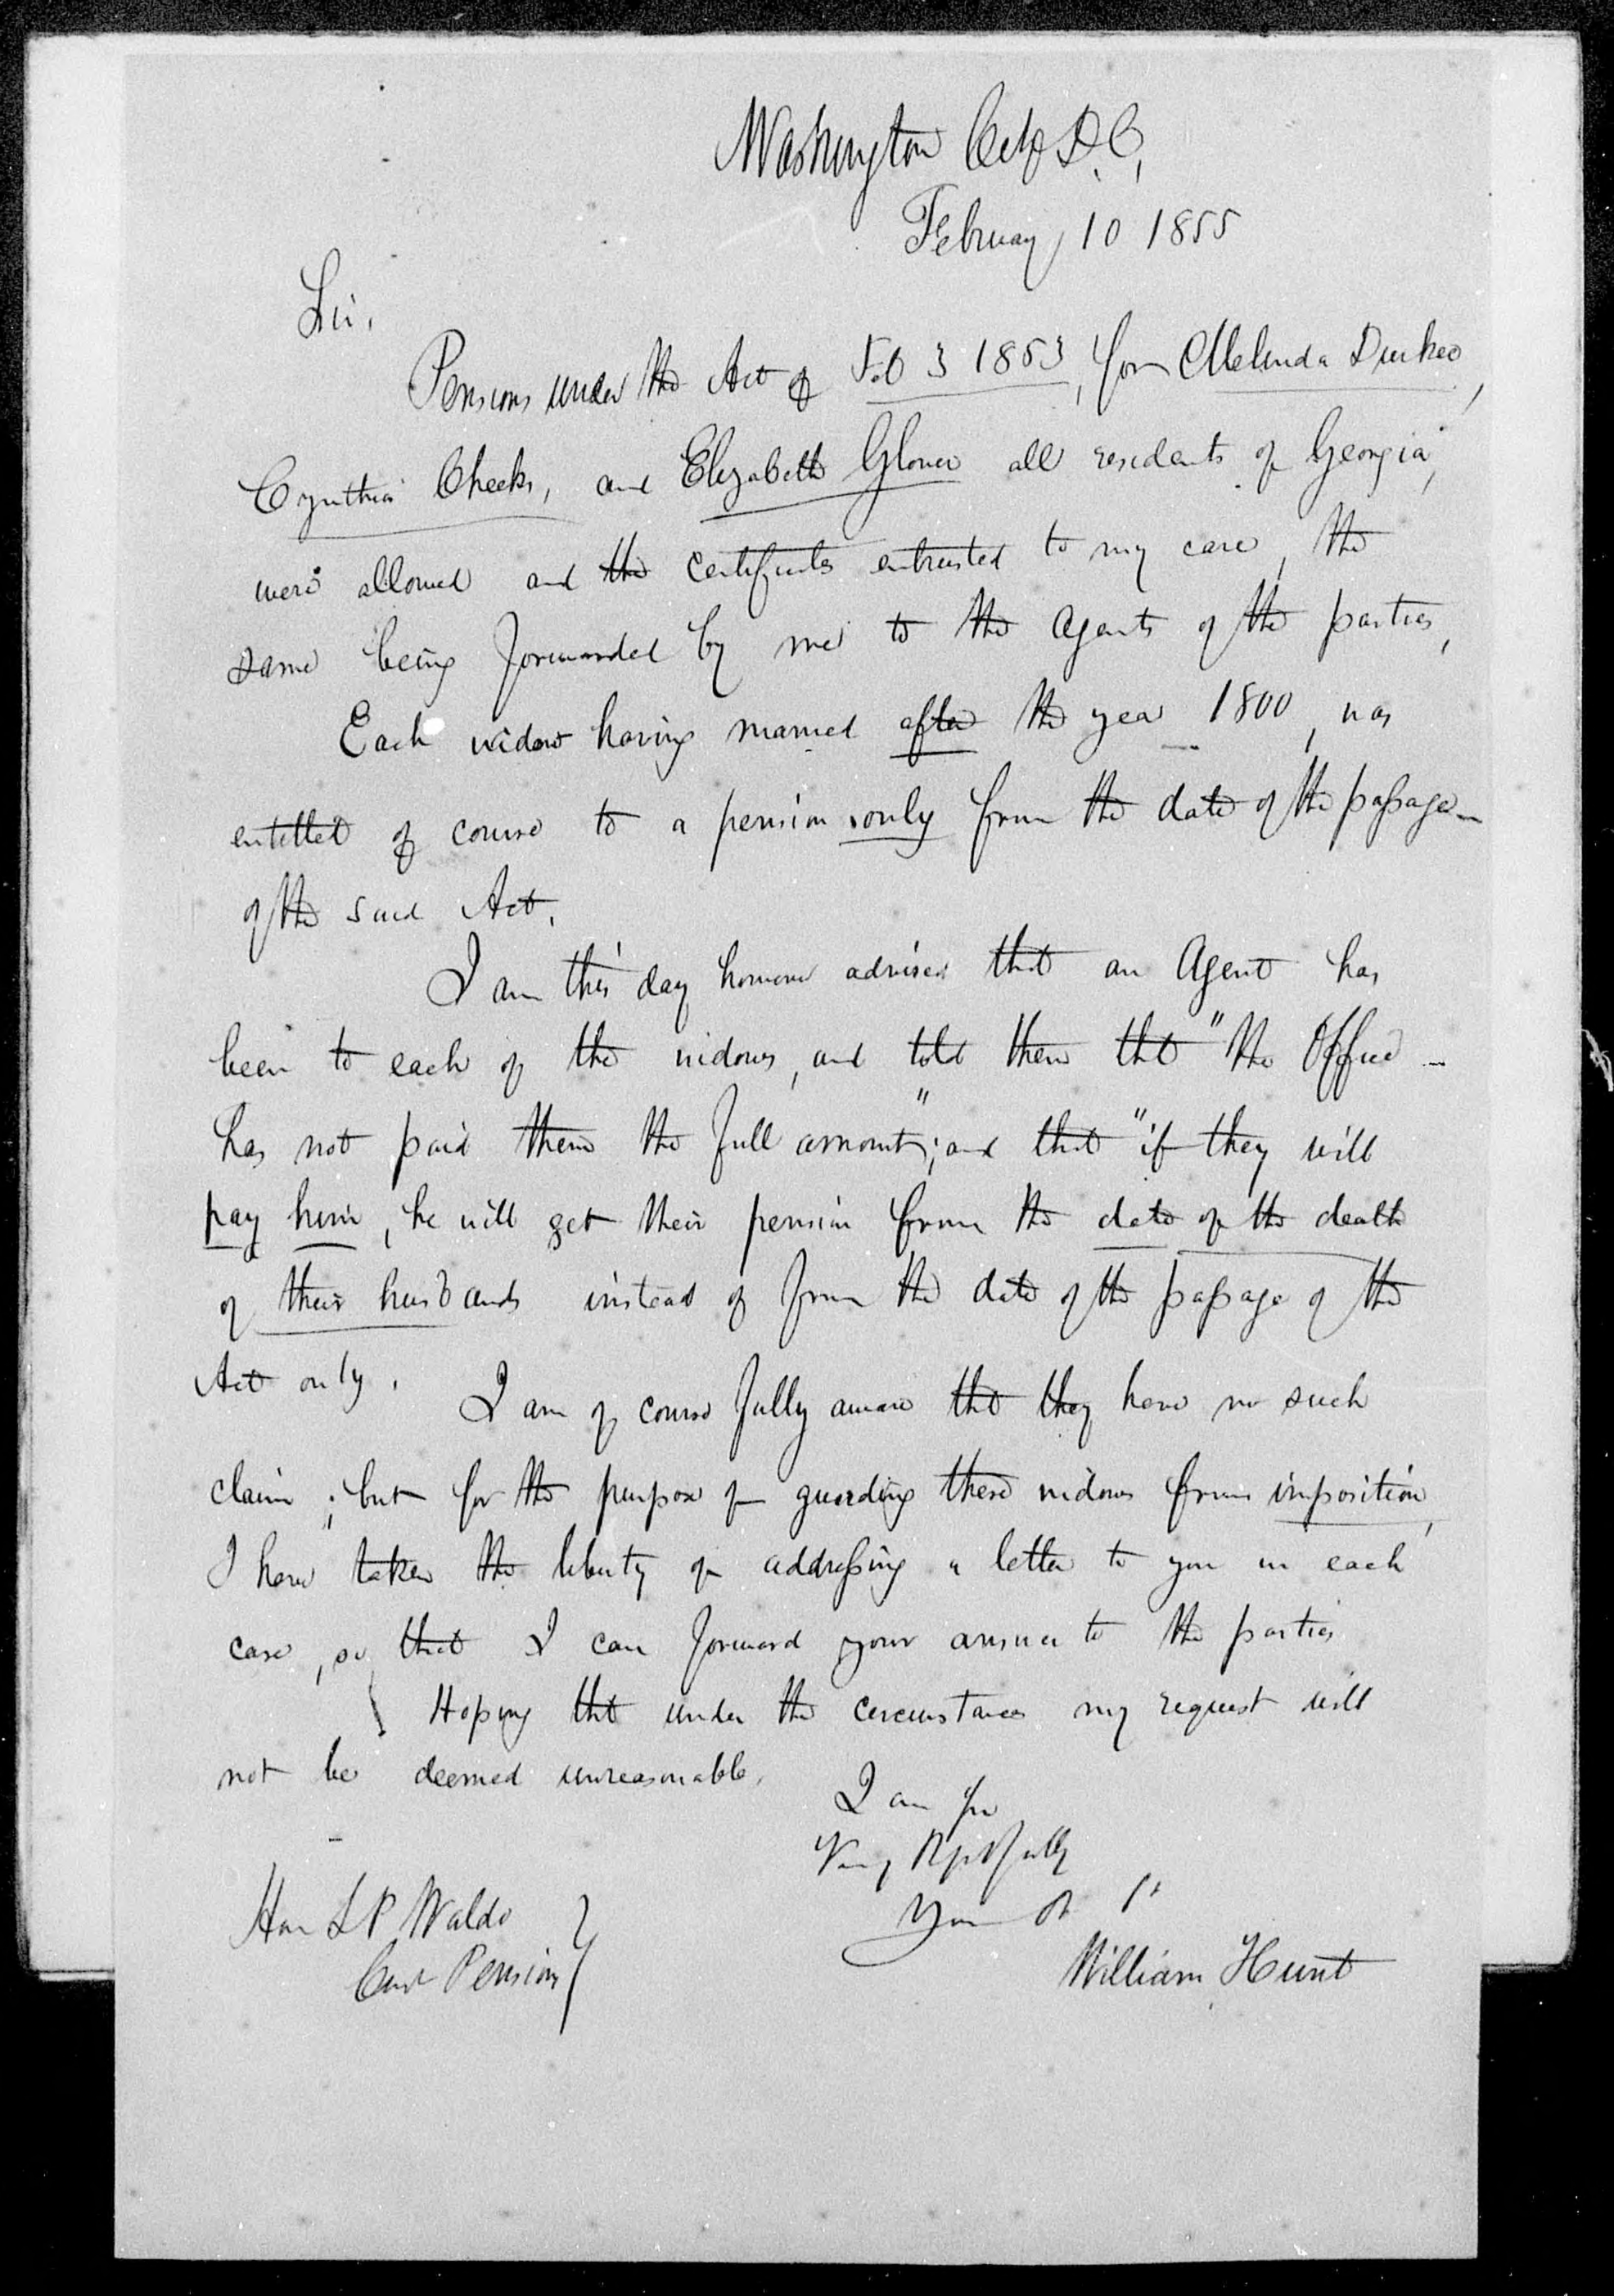Washington City DC 
February 10 1855

Sir:

Pension under the Act of Feb 3, 1853 for Melinda Durkee, Cynthia Cheeks, and Elizabeth Glover all residents of Georgia were allowed and the certificate entrusted to my care, this same being founded by me to the agents of the parties. 

Each widow having named after the year 1800, was entitled of course to a pension only from the date of the [illegible] of the said Act.

I am this day [illegible] advised that an agent has been to each of the widows and told them that "no office has not paid them the full annuity"; and that 'if they will pay him, he will get their pension from this date of the death pf their husbands instead of from the date of the [illegible] Act only.

I am of course fully aware that they have no such claim; but for Ms. [illegible] of guarding their widows from imposition I have taken the liberty of addressing a letter to you in each case, so that I can forward your answer to the parties

Hoping that under the circumstances my request will not be deemed unreasonable. 

I am [illegible]
Very Respectfully
Your [illegible]
William Hunt 

Hon LP Waldo}
Commissioner Pension}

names: L P Waldo, Elizabeth Glover, Cynthia Cheeks, William Hunt, Melinda Durkee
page: 37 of 51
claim: widow's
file: W. 929, William Glover, N.C.